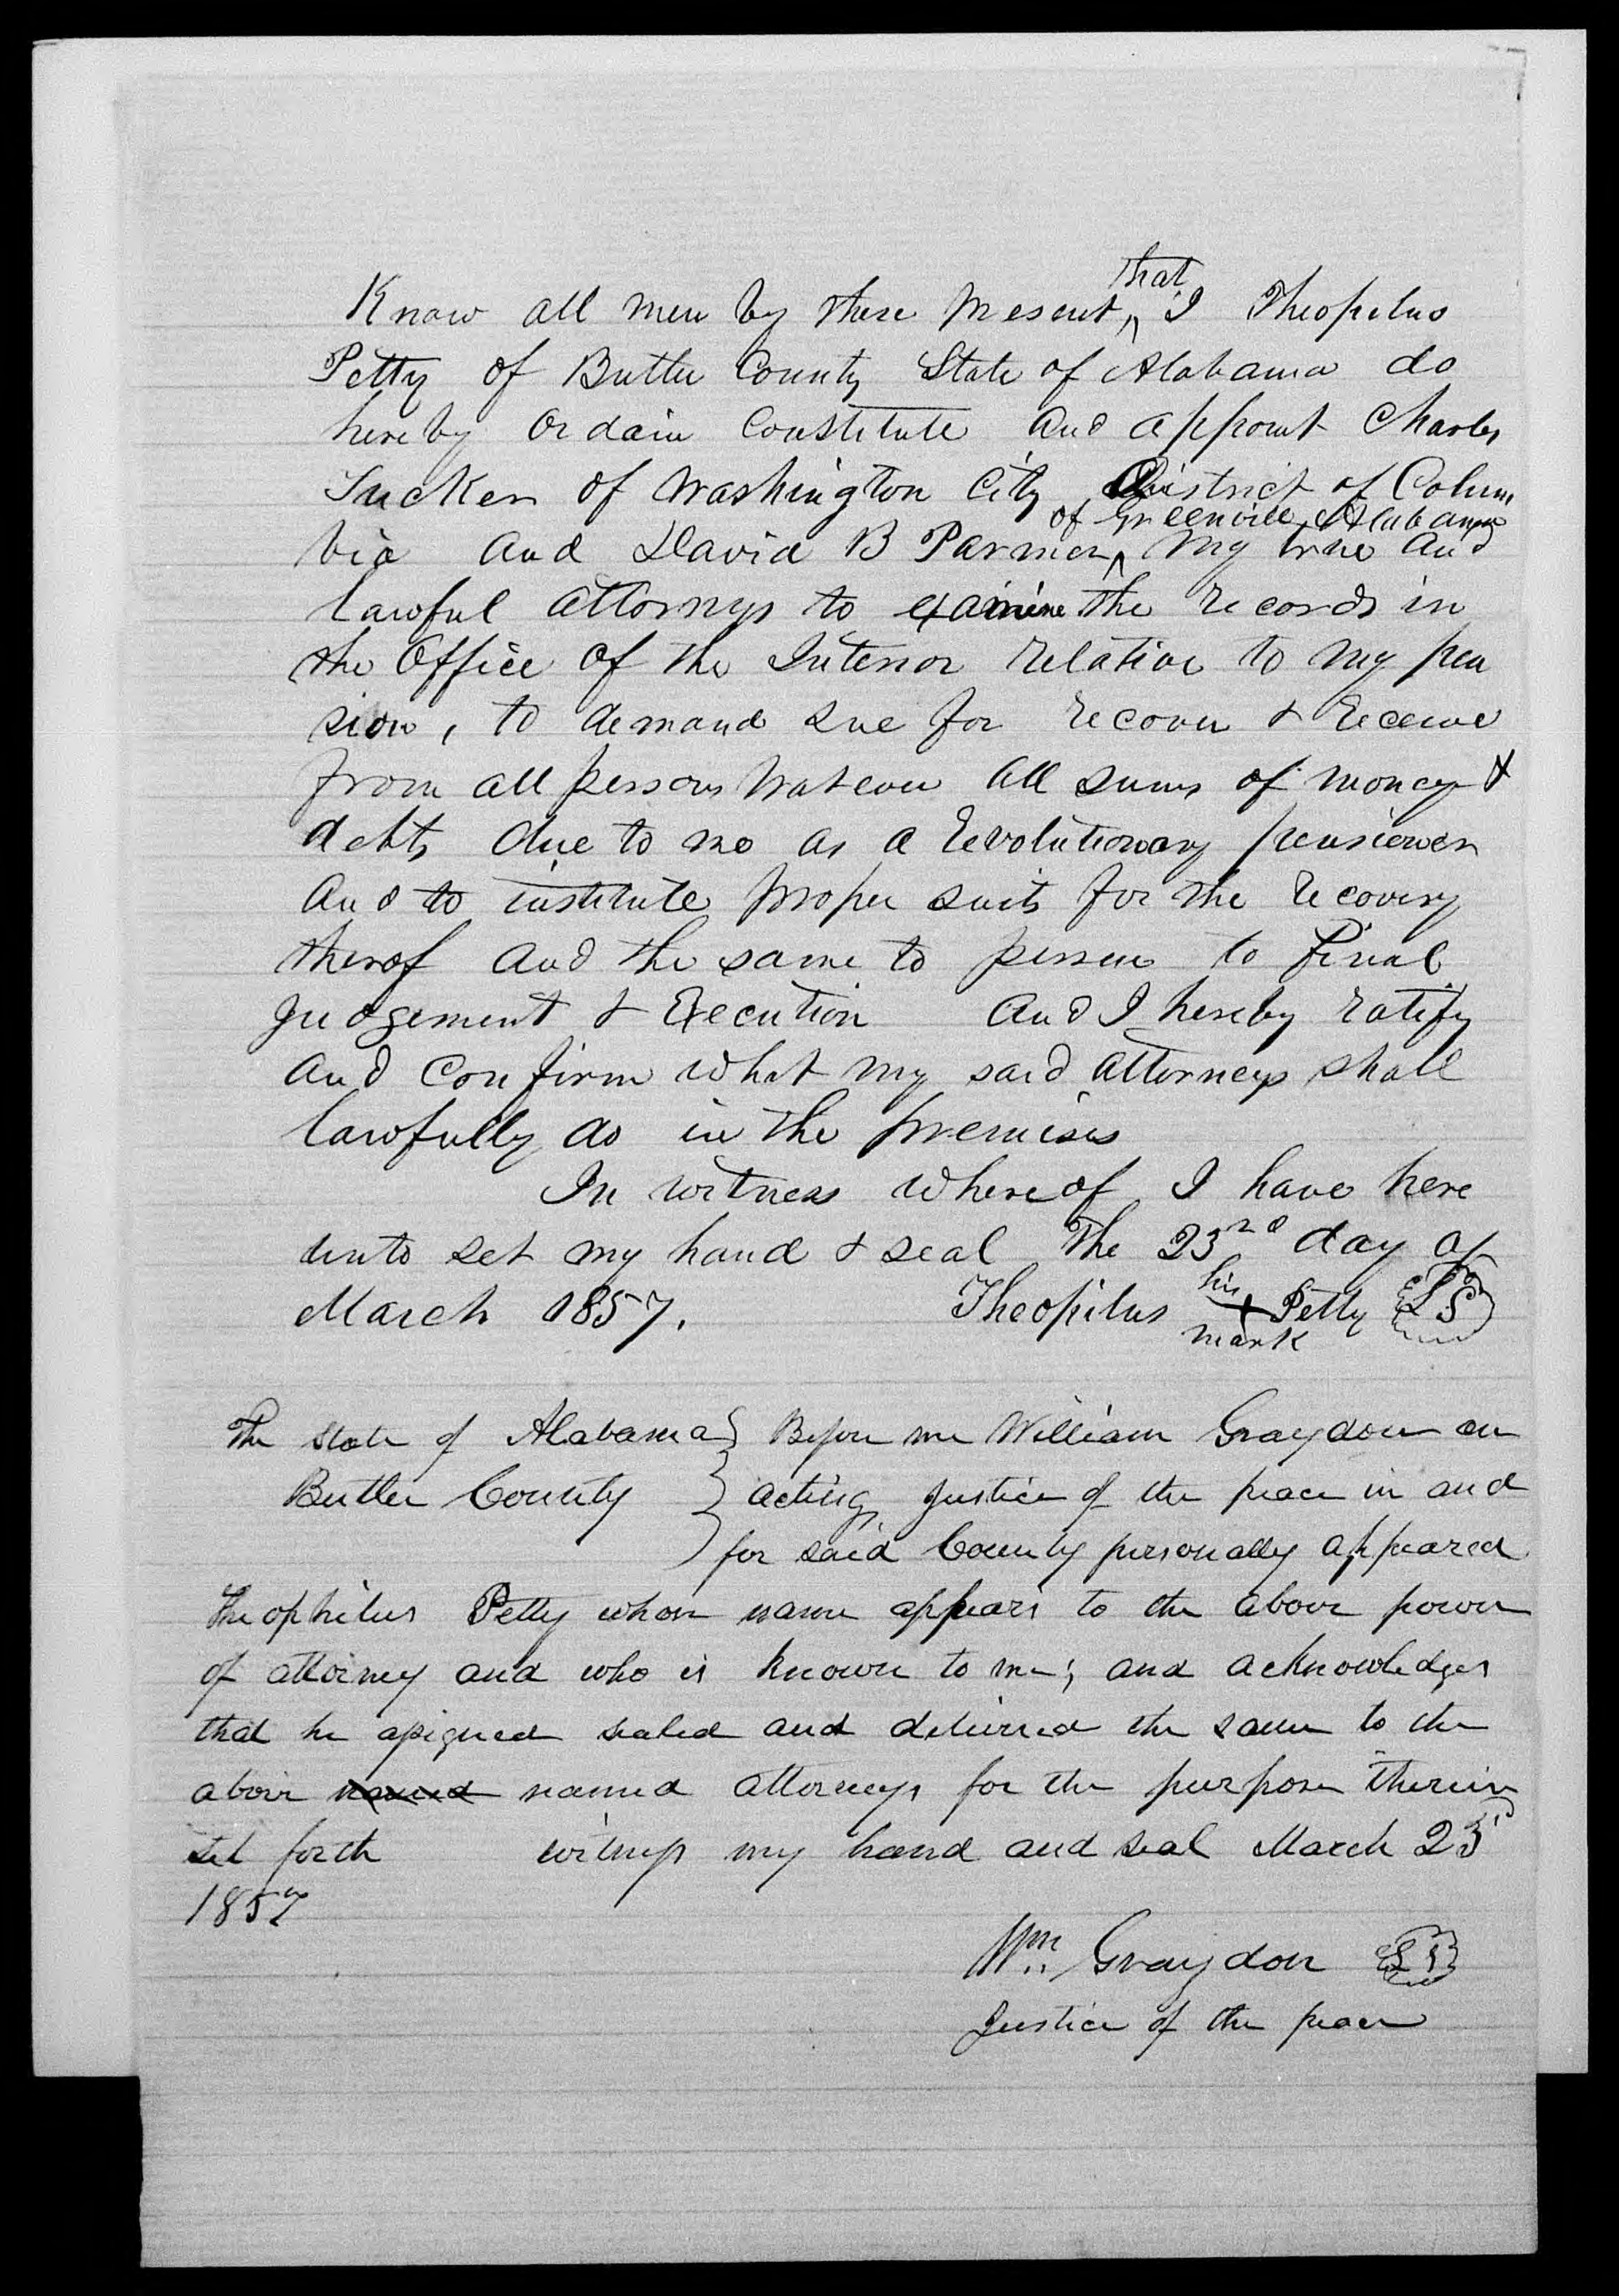Know all men by these present that I Theophilus Petty of Butler county state of Alabama do hereby ordain constitute and appoint Charles Tucker of Washington City District of Columbia and David B Parmer of Greenville Alabama my true and lawful attorneys to examine the records in the office of the Interor relation to my pension to demand sue for recover & receive from all persons watever all sums of money & debt due to no as a revolutionary pensioner and to institute proper suits for the recovery thereof and the same to persue to final judgement & execution And I hereby ratify and confirm what my said attorneys shall lawfully do in the premises
In witness whereof I have hereunto set my hand & seal the 23rd day of March 1857
Theophilus Petty SS
his X mark
The state of Alabama
Butler County } Before me William Graydon an acting Justice of the peace in and for said county personally appeared Theophilus Petty whose name appears to the above power of attorney and who is known to me; and acknowledged that he assigned sealed and delivered the same to the above named attorneys for the purpose therein set forth witness my hand and seal March 23rd 1857
Wm Graydon SS
Justice of the peace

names: Theopilus Petty; David B Parmer; William Graydon; Charles Tucker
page: 20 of 26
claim: rejected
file: R. 8,161, for Theophilus Petty, South Carolina